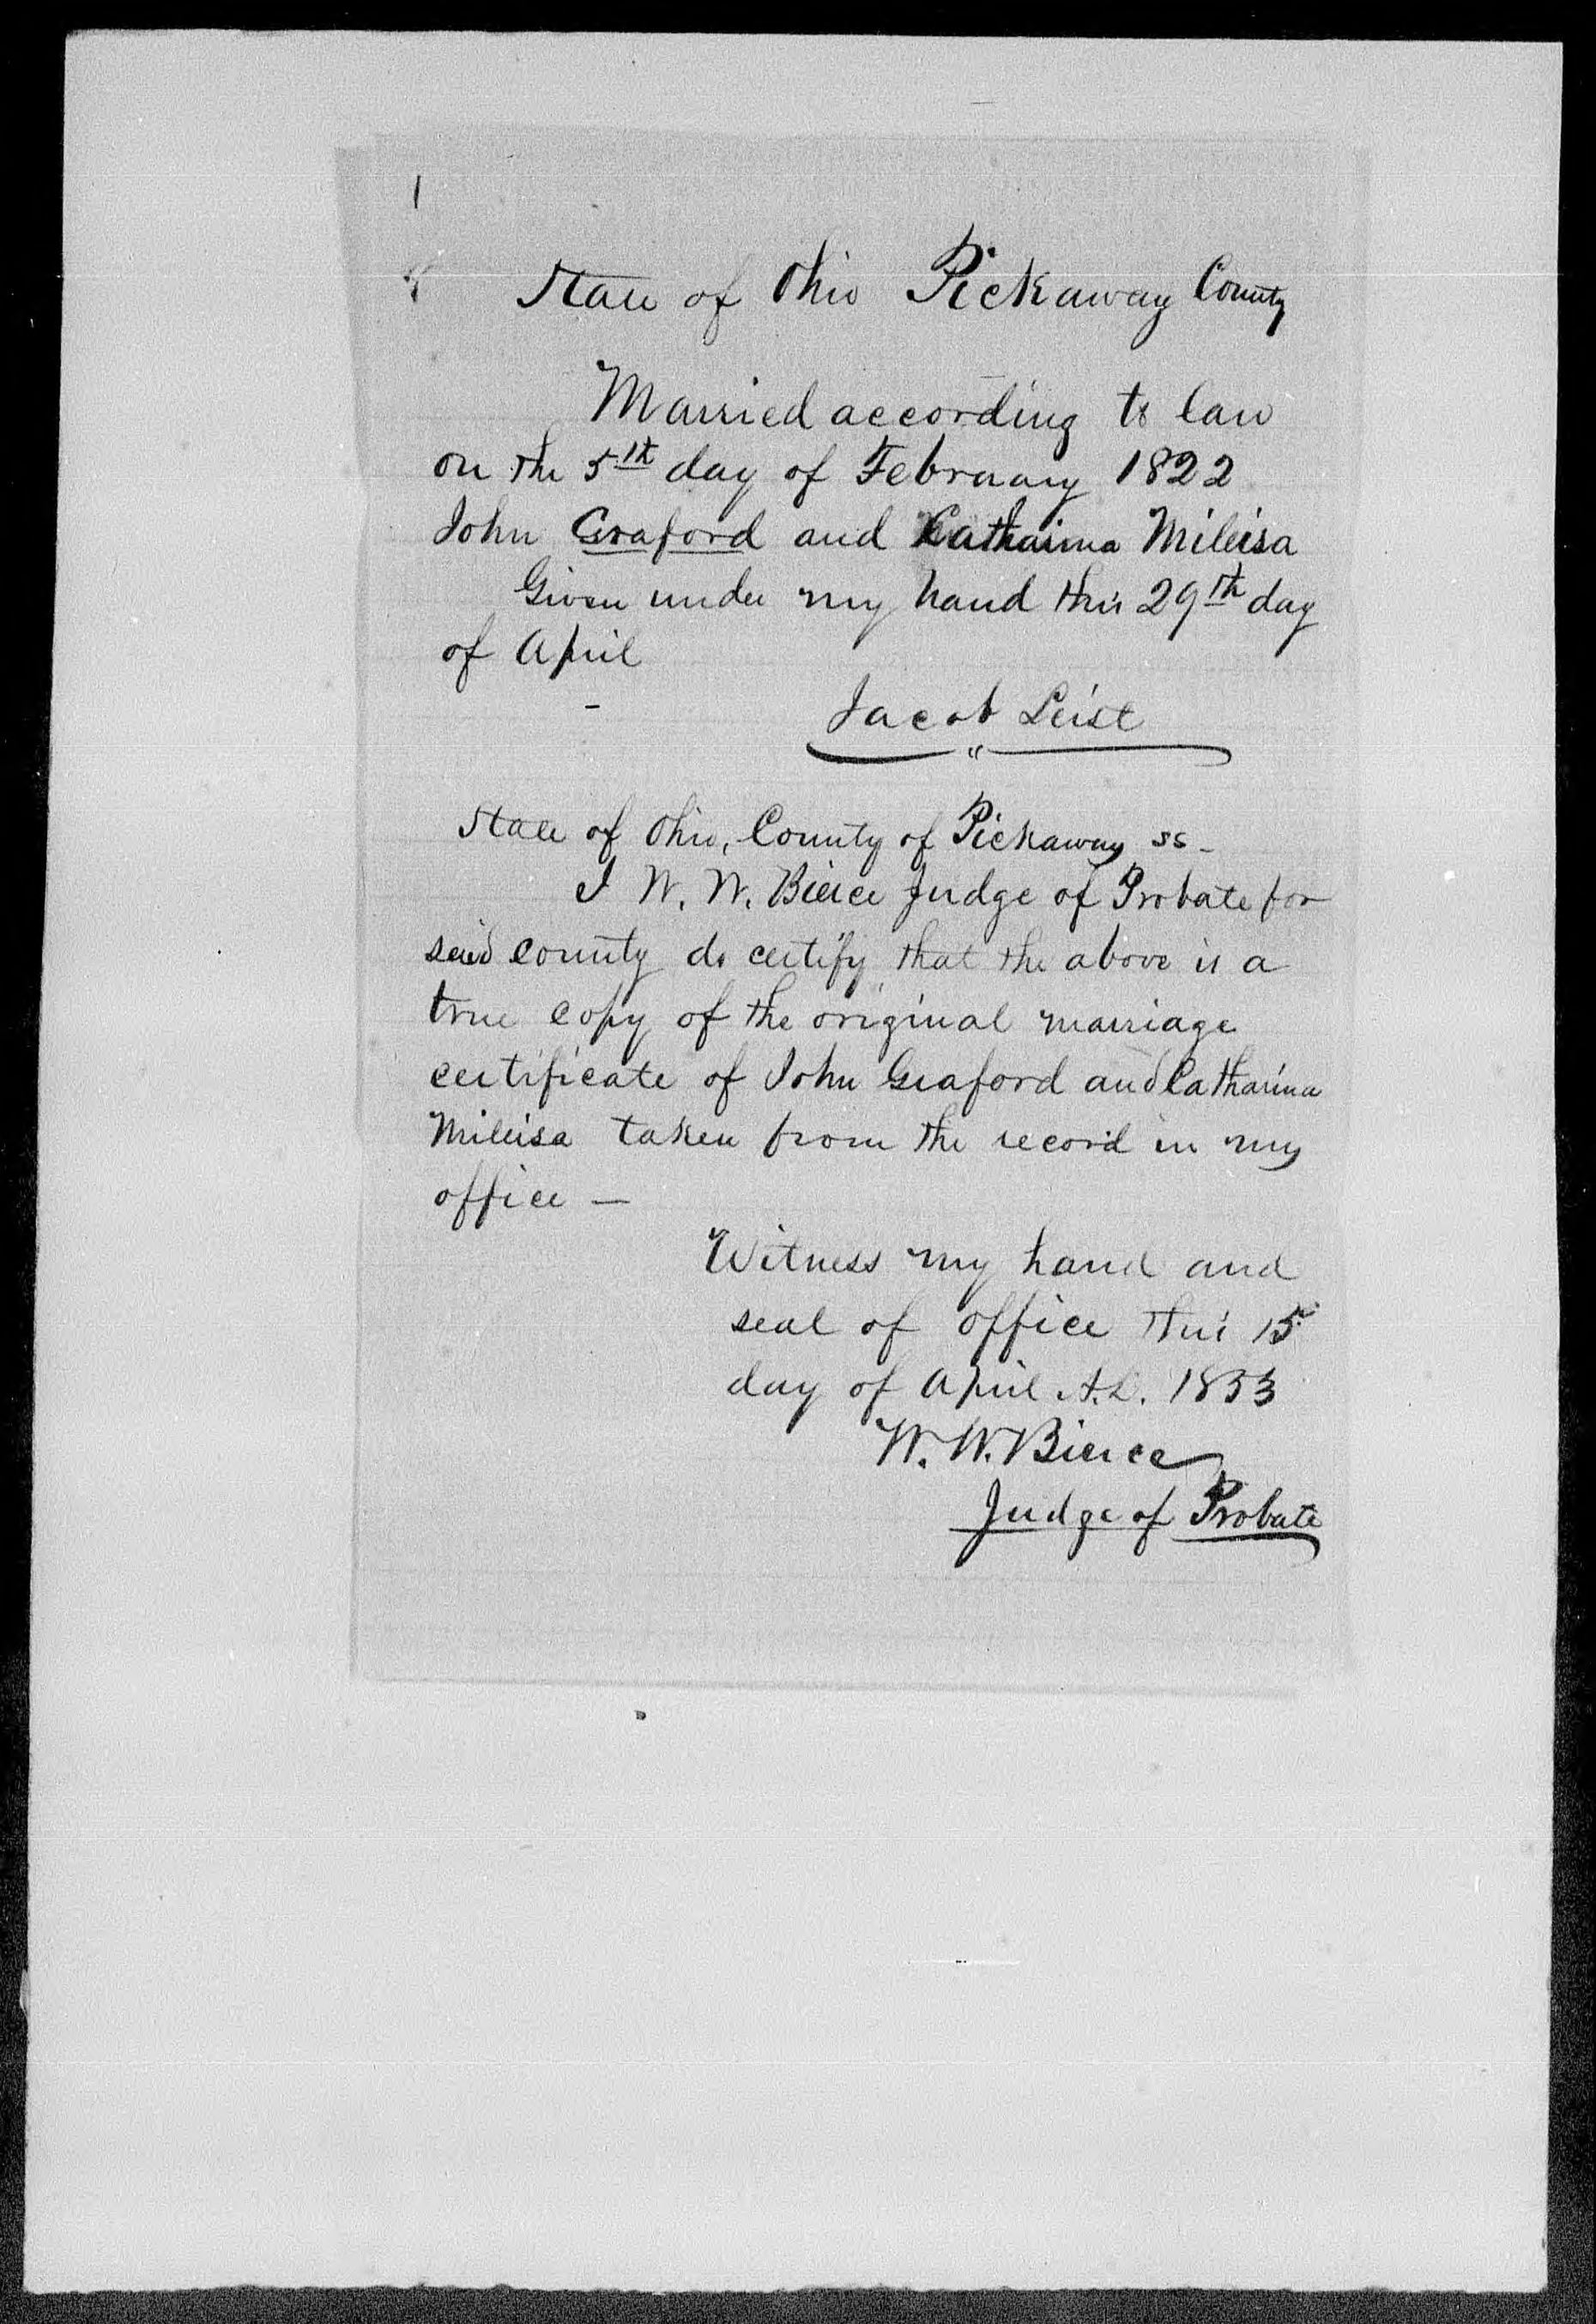State of Ohio Pickaway County
Married according to law on the 5th day of February 1822 John Crawford and Catharina Mileisa
Given under my hand this 29th day of April
Jacob Leist
---
State of Ohio, County of Pickaway SS
I W.W. Berice Judge of Probate for said county do certify that the above is a true copy of the original marriage certificate of John Crawford and Catharina Mileisa taken from the record in my office_
Witness my hand and seal of office this 15 day of April A.D. 1853
W. W. Bierce
Judge of Probate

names: John Graford, W W Bierce, Catharina Mileisa, Catharina Mileisa, John Graford, Jacob Leist, W W Bierce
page: 11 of 80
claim: widow's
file: W 2070, John Crawford, Penn.